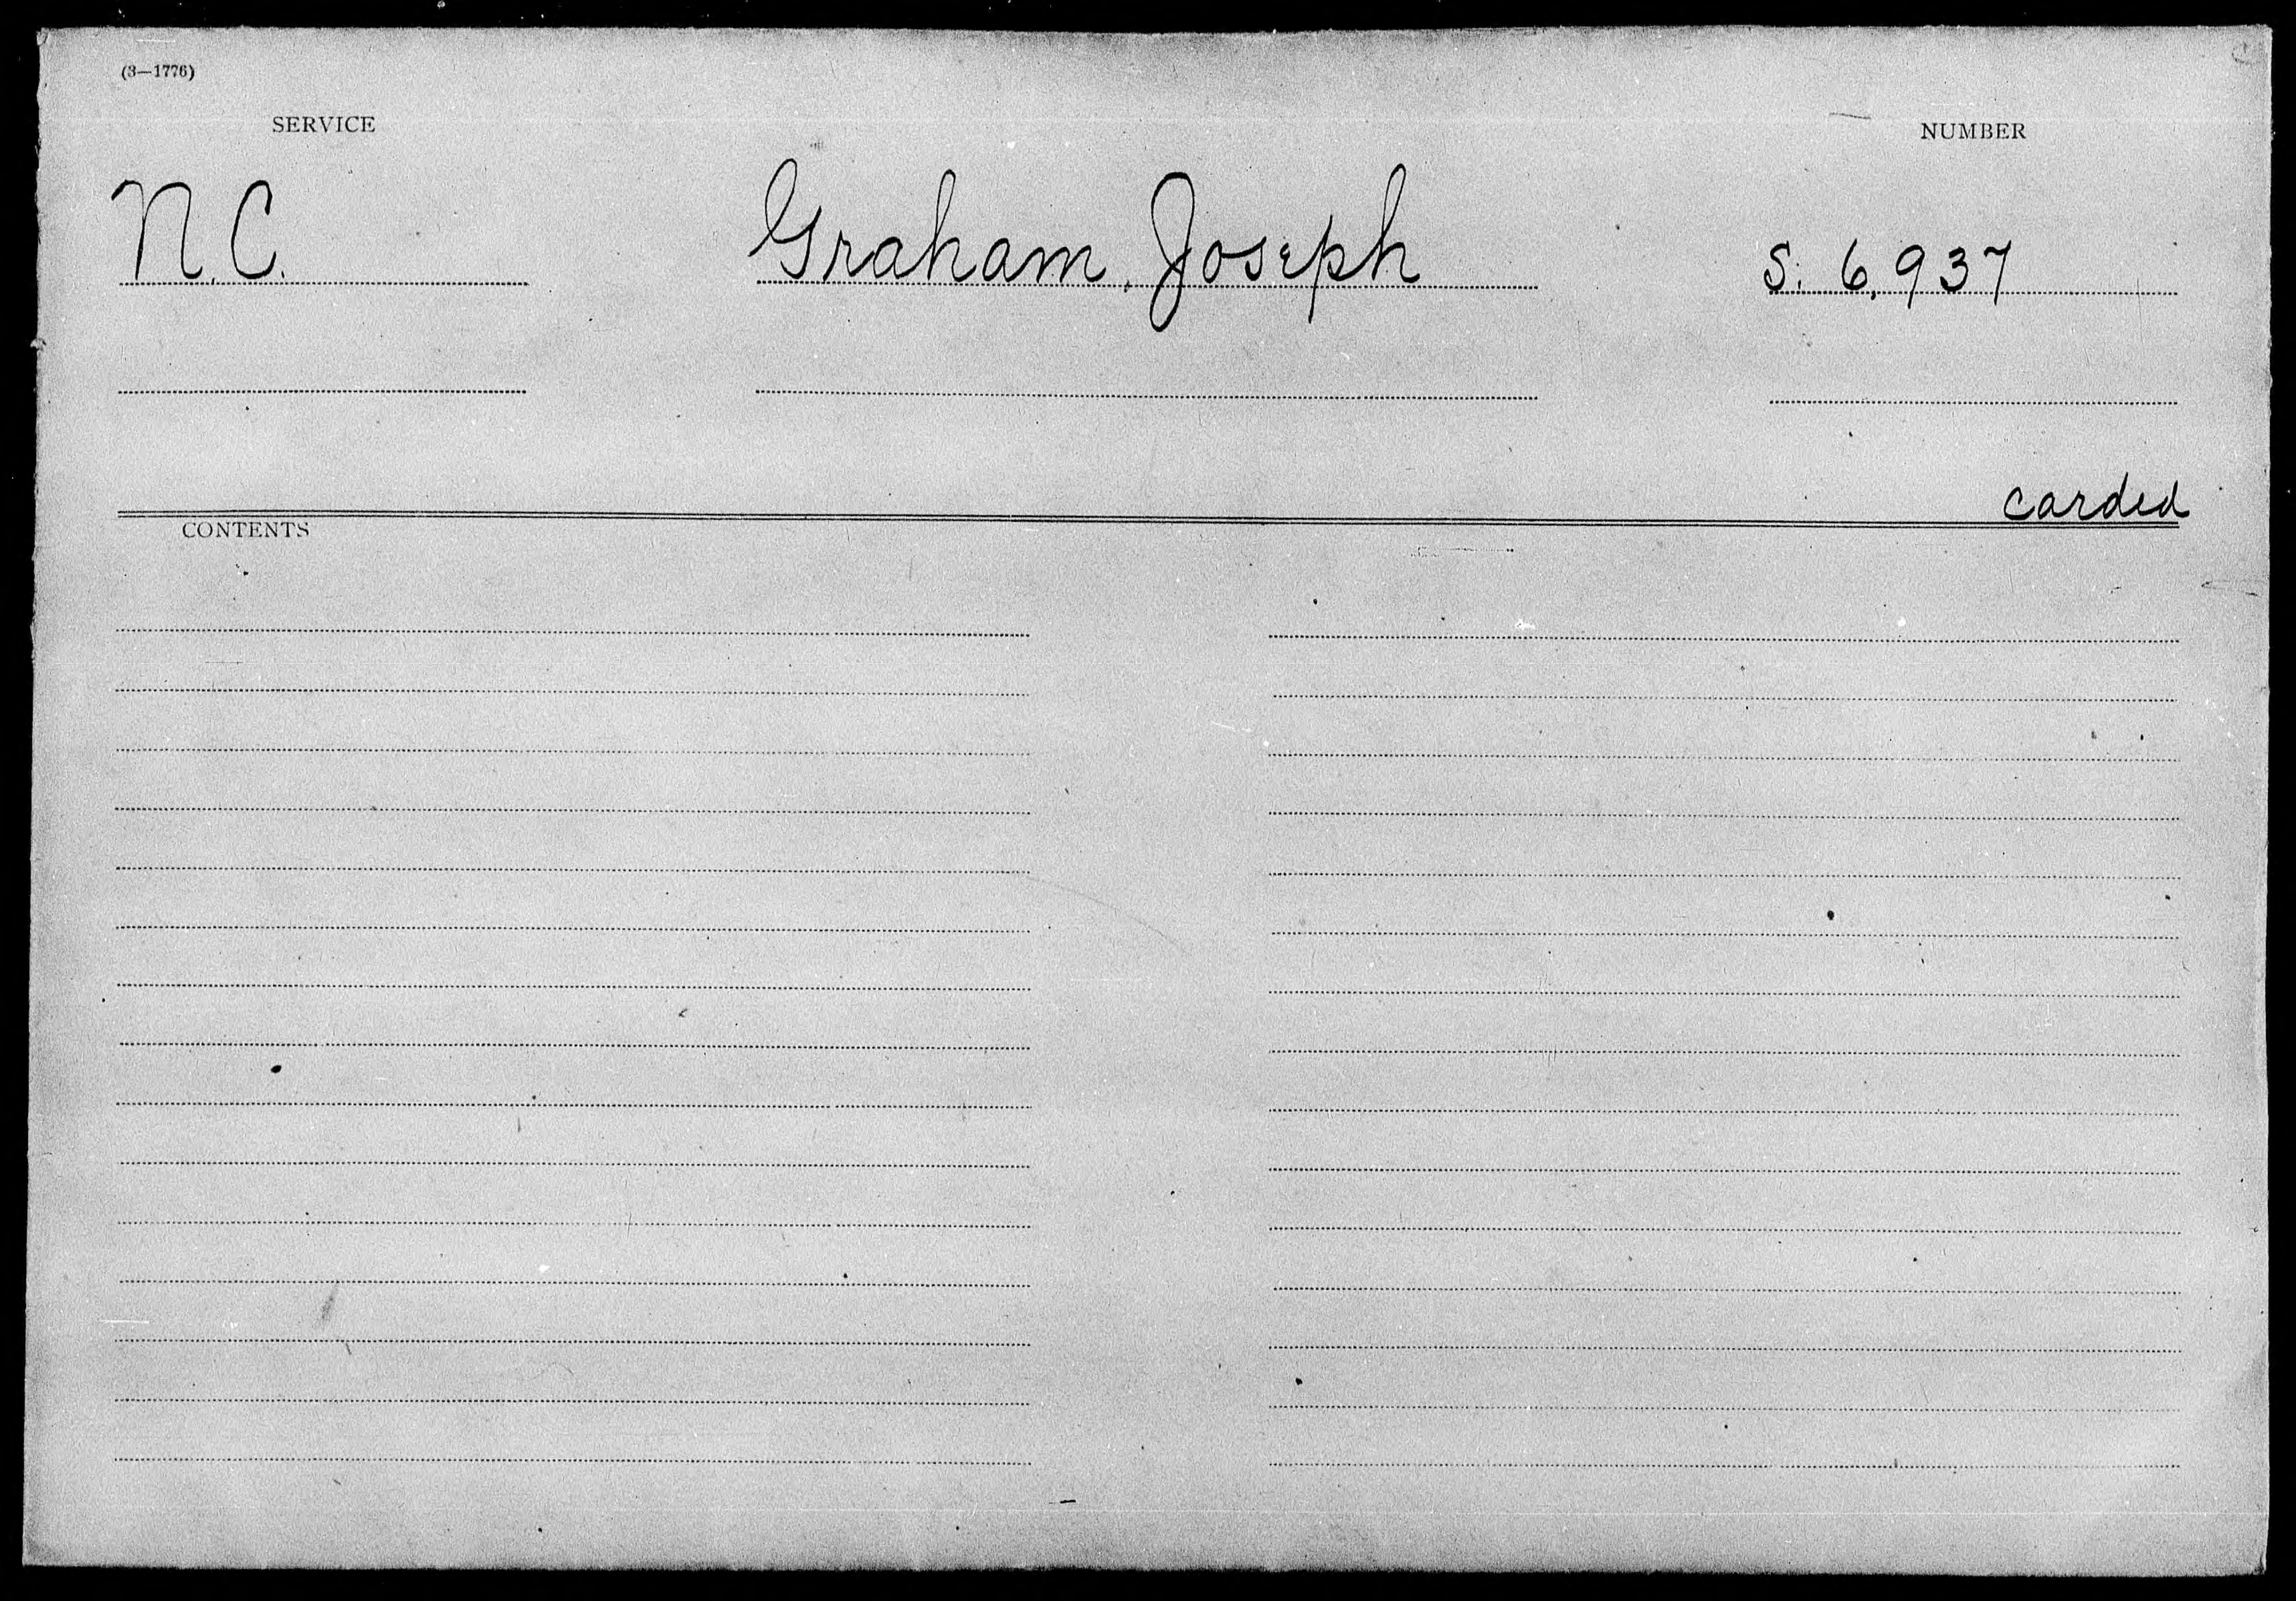(3-1776)
SERVICE
N.C.
Graham, Joseph
NUMBER
S. 6937
CONTENTS

carded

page: 1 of 55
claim: survivor's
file: S. 6,937, Joseph Graham, N.C.